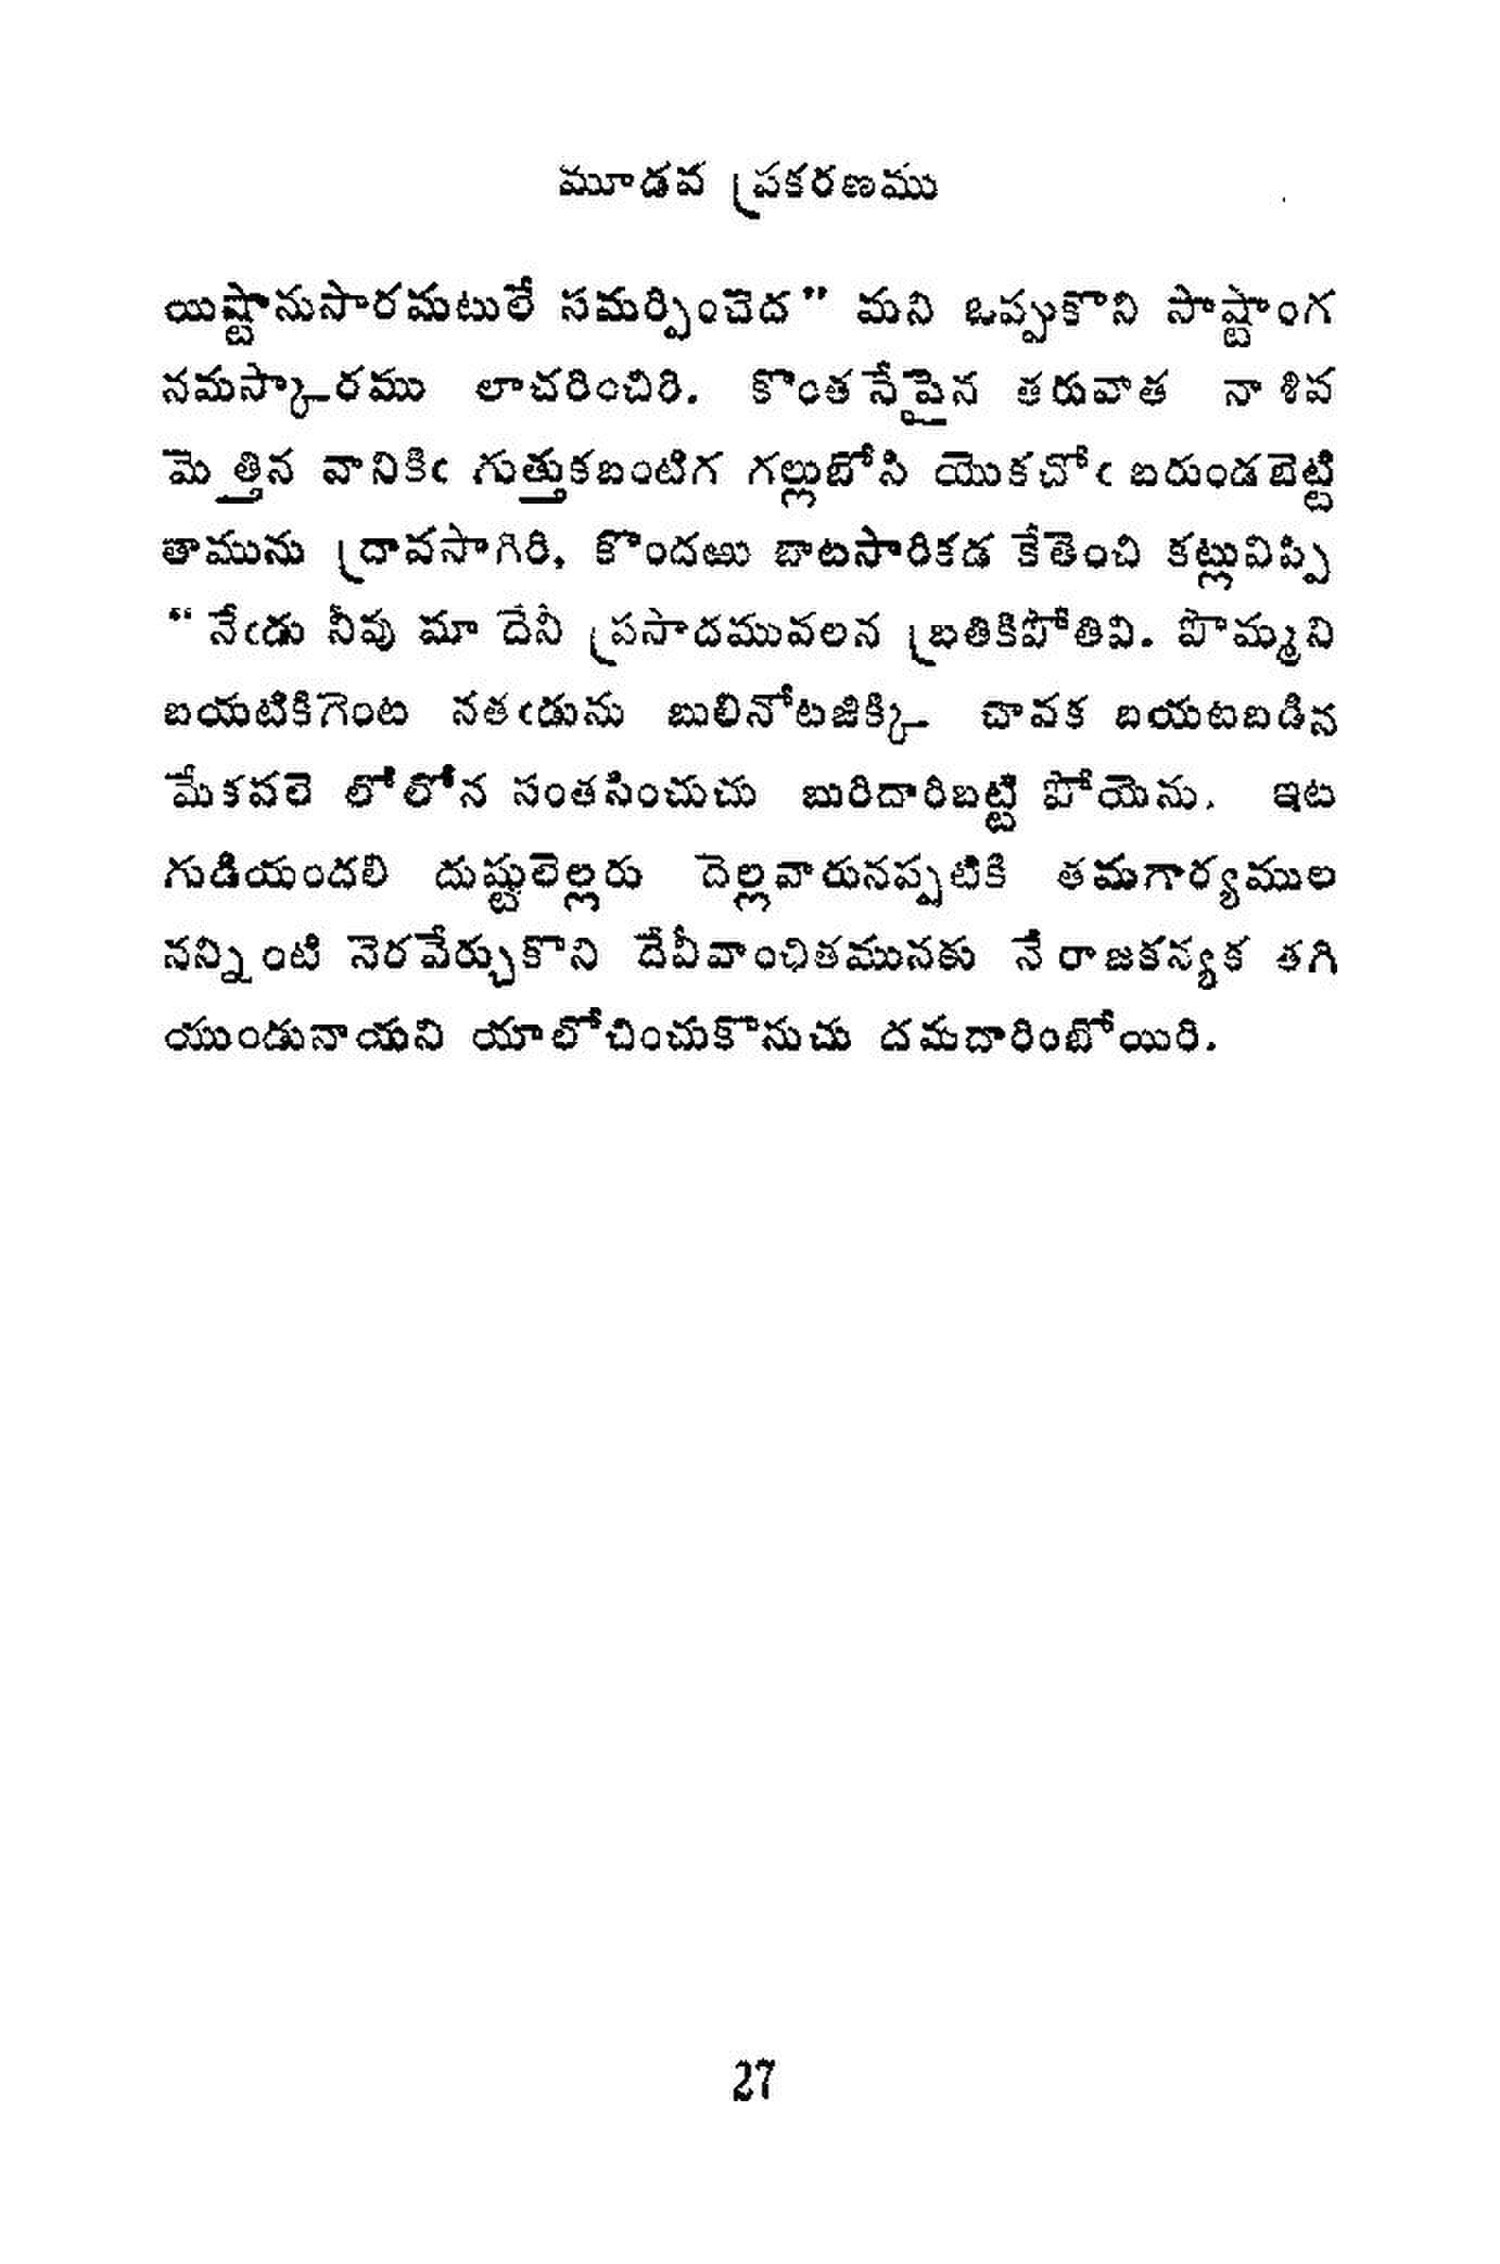యిష్టానుసారమటులే సమర్పించెద " మని ఒప్పుకొని సాష్టాంగ నమస్కారము లాచరించిరి. కొంతసేపైన తరువాత నా శివమెత్తిన వానికిఁ గుత్తుకబంటిగ గల్లుబోసి యొకచోఁ బరుండబెట్టి తామును ద్రావసాగిరి, కొందఱు బాటసారికడ కేతెంచి కట్లువిప్పి “నేఁడు నీవు మా దేవీ ప్రసాదమువలన బ్రతికిపోతివి. పొమ్మని బయటికిగెంట నతఁడును బులినోటజిక్కి చావక బయటబడిన మేకవలె లోలోన సంతసించుచు బురిదారిబట్టి పోయెను. ఇట గుడియందలి దుష్టులెల్లరు దెల్లవారునప్పటికి తమగార్యముల నన్నింటి నెరవేర్చుకొని దేవీవాంఛితమునకు నే రాజకన్యక తగి యుండునాయని యాలోచించుకొనుచు దమదారింబోయిరి.